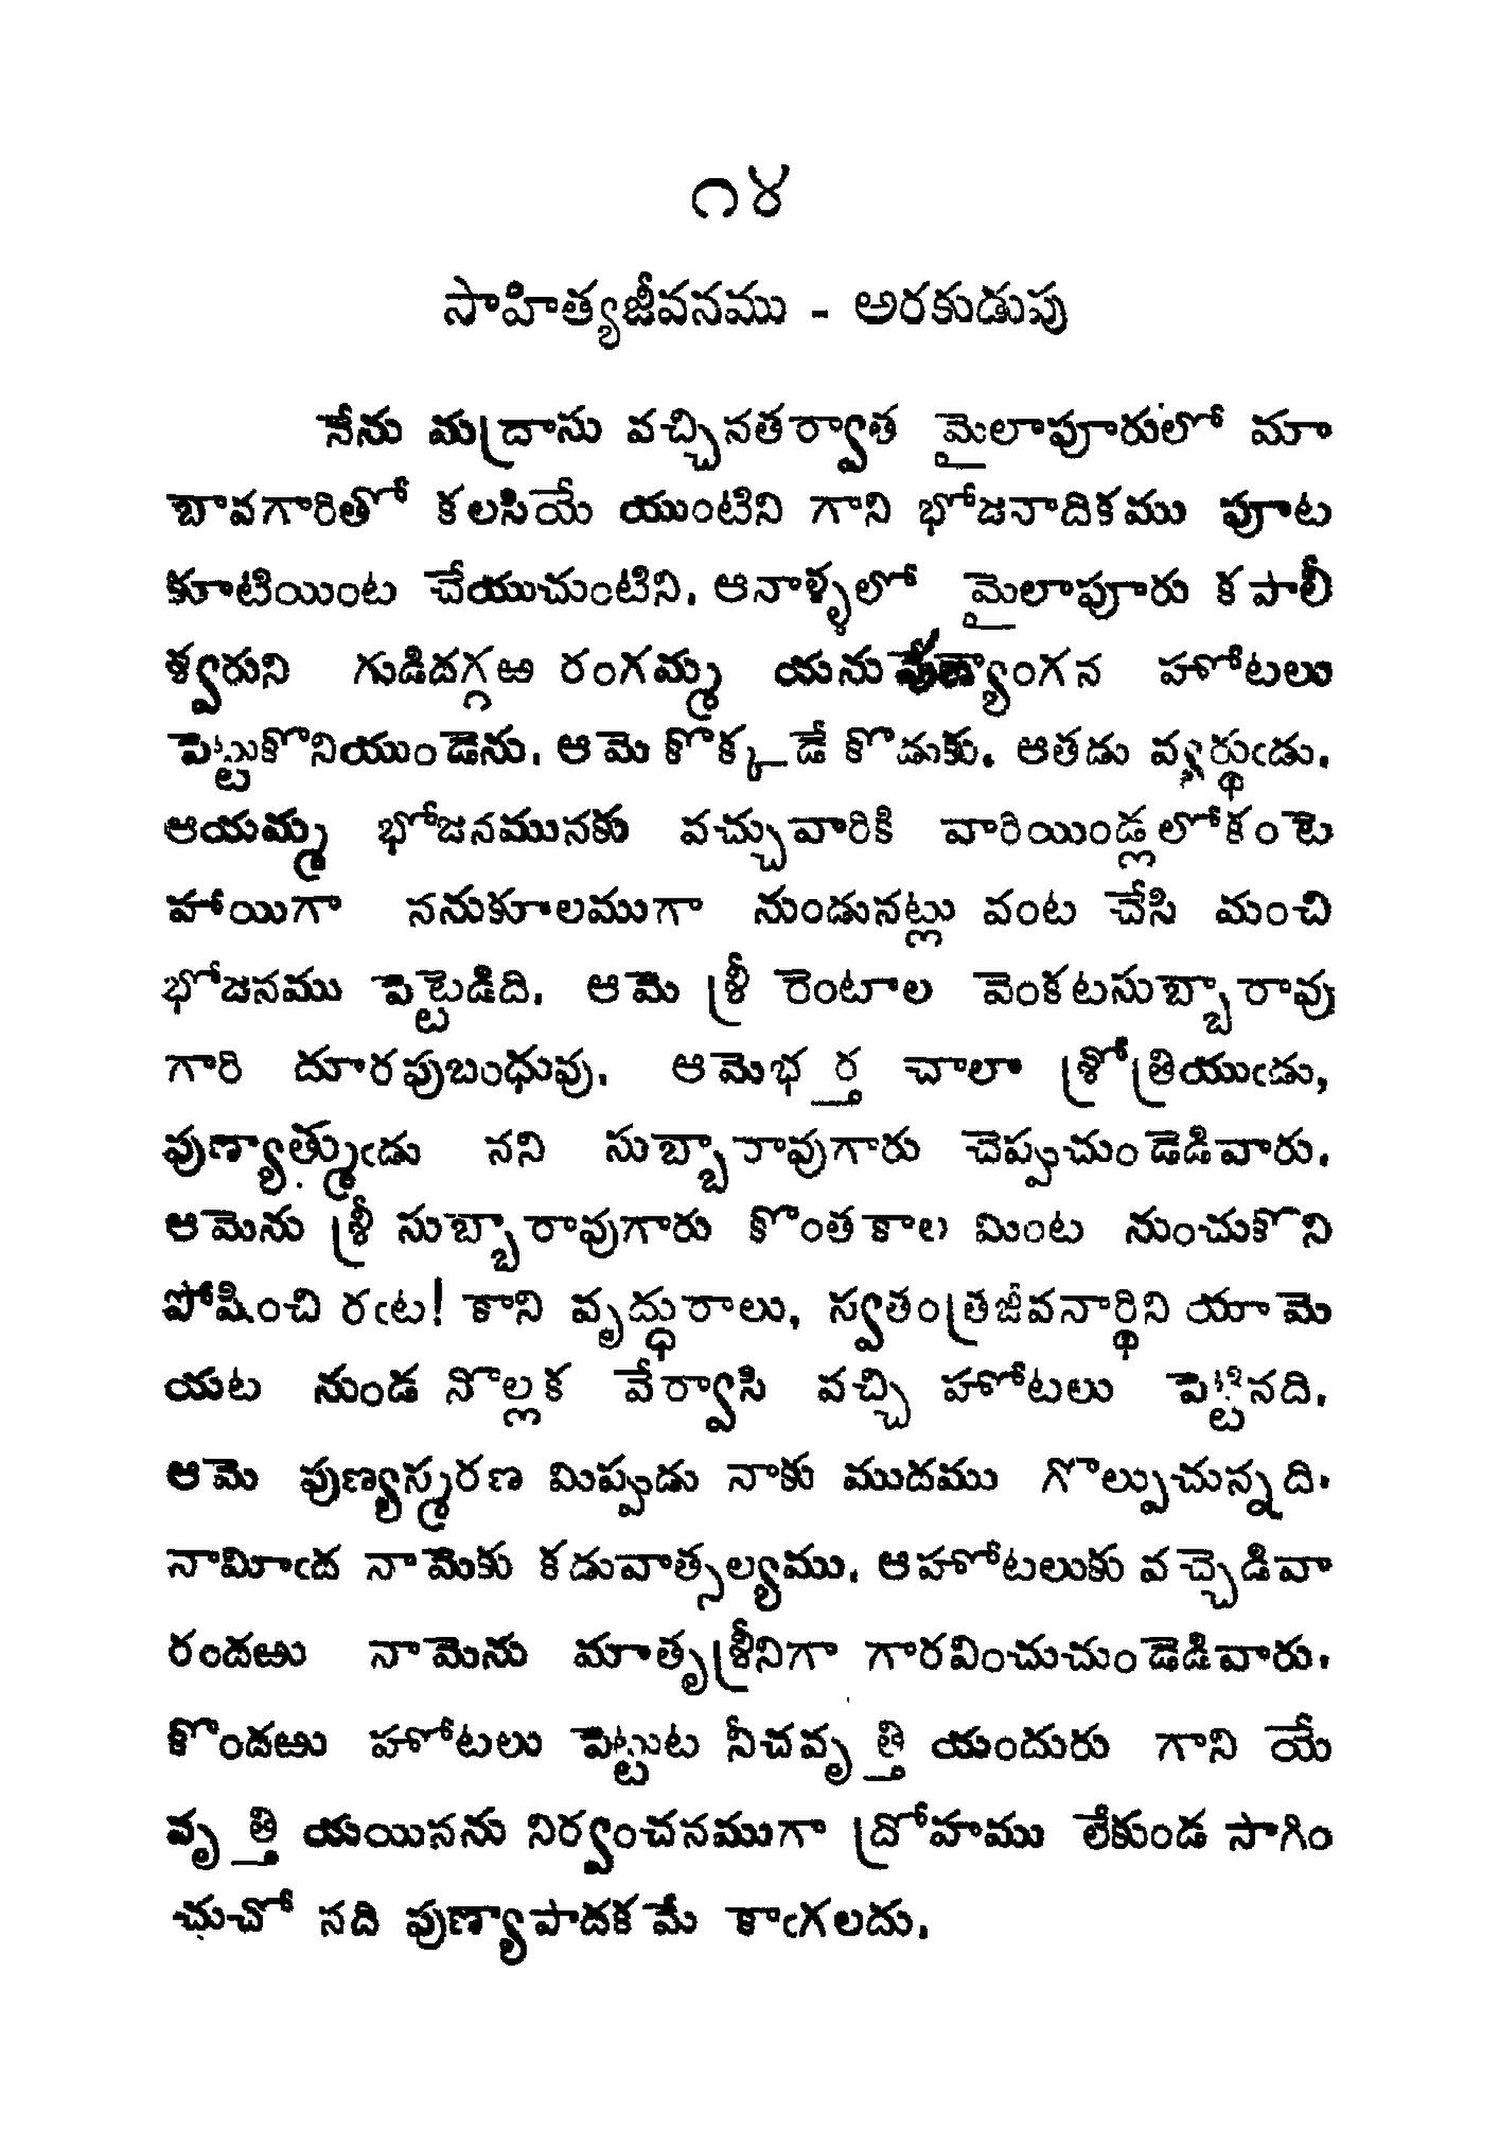నేను మద్రాసు వచ్చిన తర్వాత మైలాపూరులో మా బావగారితో కలసి యే యుంటిని గాని భోజనాదికము పూట కూటియింటి చేయుచుంటిని. ఆనాళ్ళలో మైలాపూరు కపాలీ శ్వరుని గుడిదగ్గఱ రంగమ్మ యను పుణ్యంగన హొటలు పెట్టుకొని యుండెను. ఆమె కొక్కడే కొడుకు. అతడు వ్యర్దుఁడు. ఆయమ్మ భోజనముకు వచ్చు వారికి వారియిండ్లలోకంటె హాయిగా ననుకూలముగా నుండునట్లు వంట చేసి మంచి భోజనము పెట్టెడిది. ఆమె శ్రీ రెంటాల వెంకటసుబ్బారావు గారి దూరపు బంధువు. ఆమె భర్త చాలా శ్రోత్రి యుఁడు, పుణ్యాత్ముఁడు న్నియా సుబ్బారావు గారు చెప్పుచుండెడివారు. ఆమెను శ్రీ సుబ్బారావు గారు కొంతకాల మింట నుంచుకొని పోషించి రఁ ట! కాని వృద్ధురాలు. స్వతంత్ర జీవనార్ధిని యామె యట నుండ నొల్లక వేర్వాసి వచ్చి హొటలు పెట్టినది. ఆమె పుణ్యస్మరణ మిప్పుడు నాకు ముదము గొల్పు చున్నది. నామిఁద నా మెను మాతృ శ్రీనిగా గారవించుచుండెడివారు.కొందఱు హొటలు పెట్టుట నీచవృత్తి యందురు గాని యే వృత్తి యయినను నిర్వంచనముగా ద్రోహము లేకుండ సాగించుచో నది పుణ్యాపాదకమే కాఁగలదు.